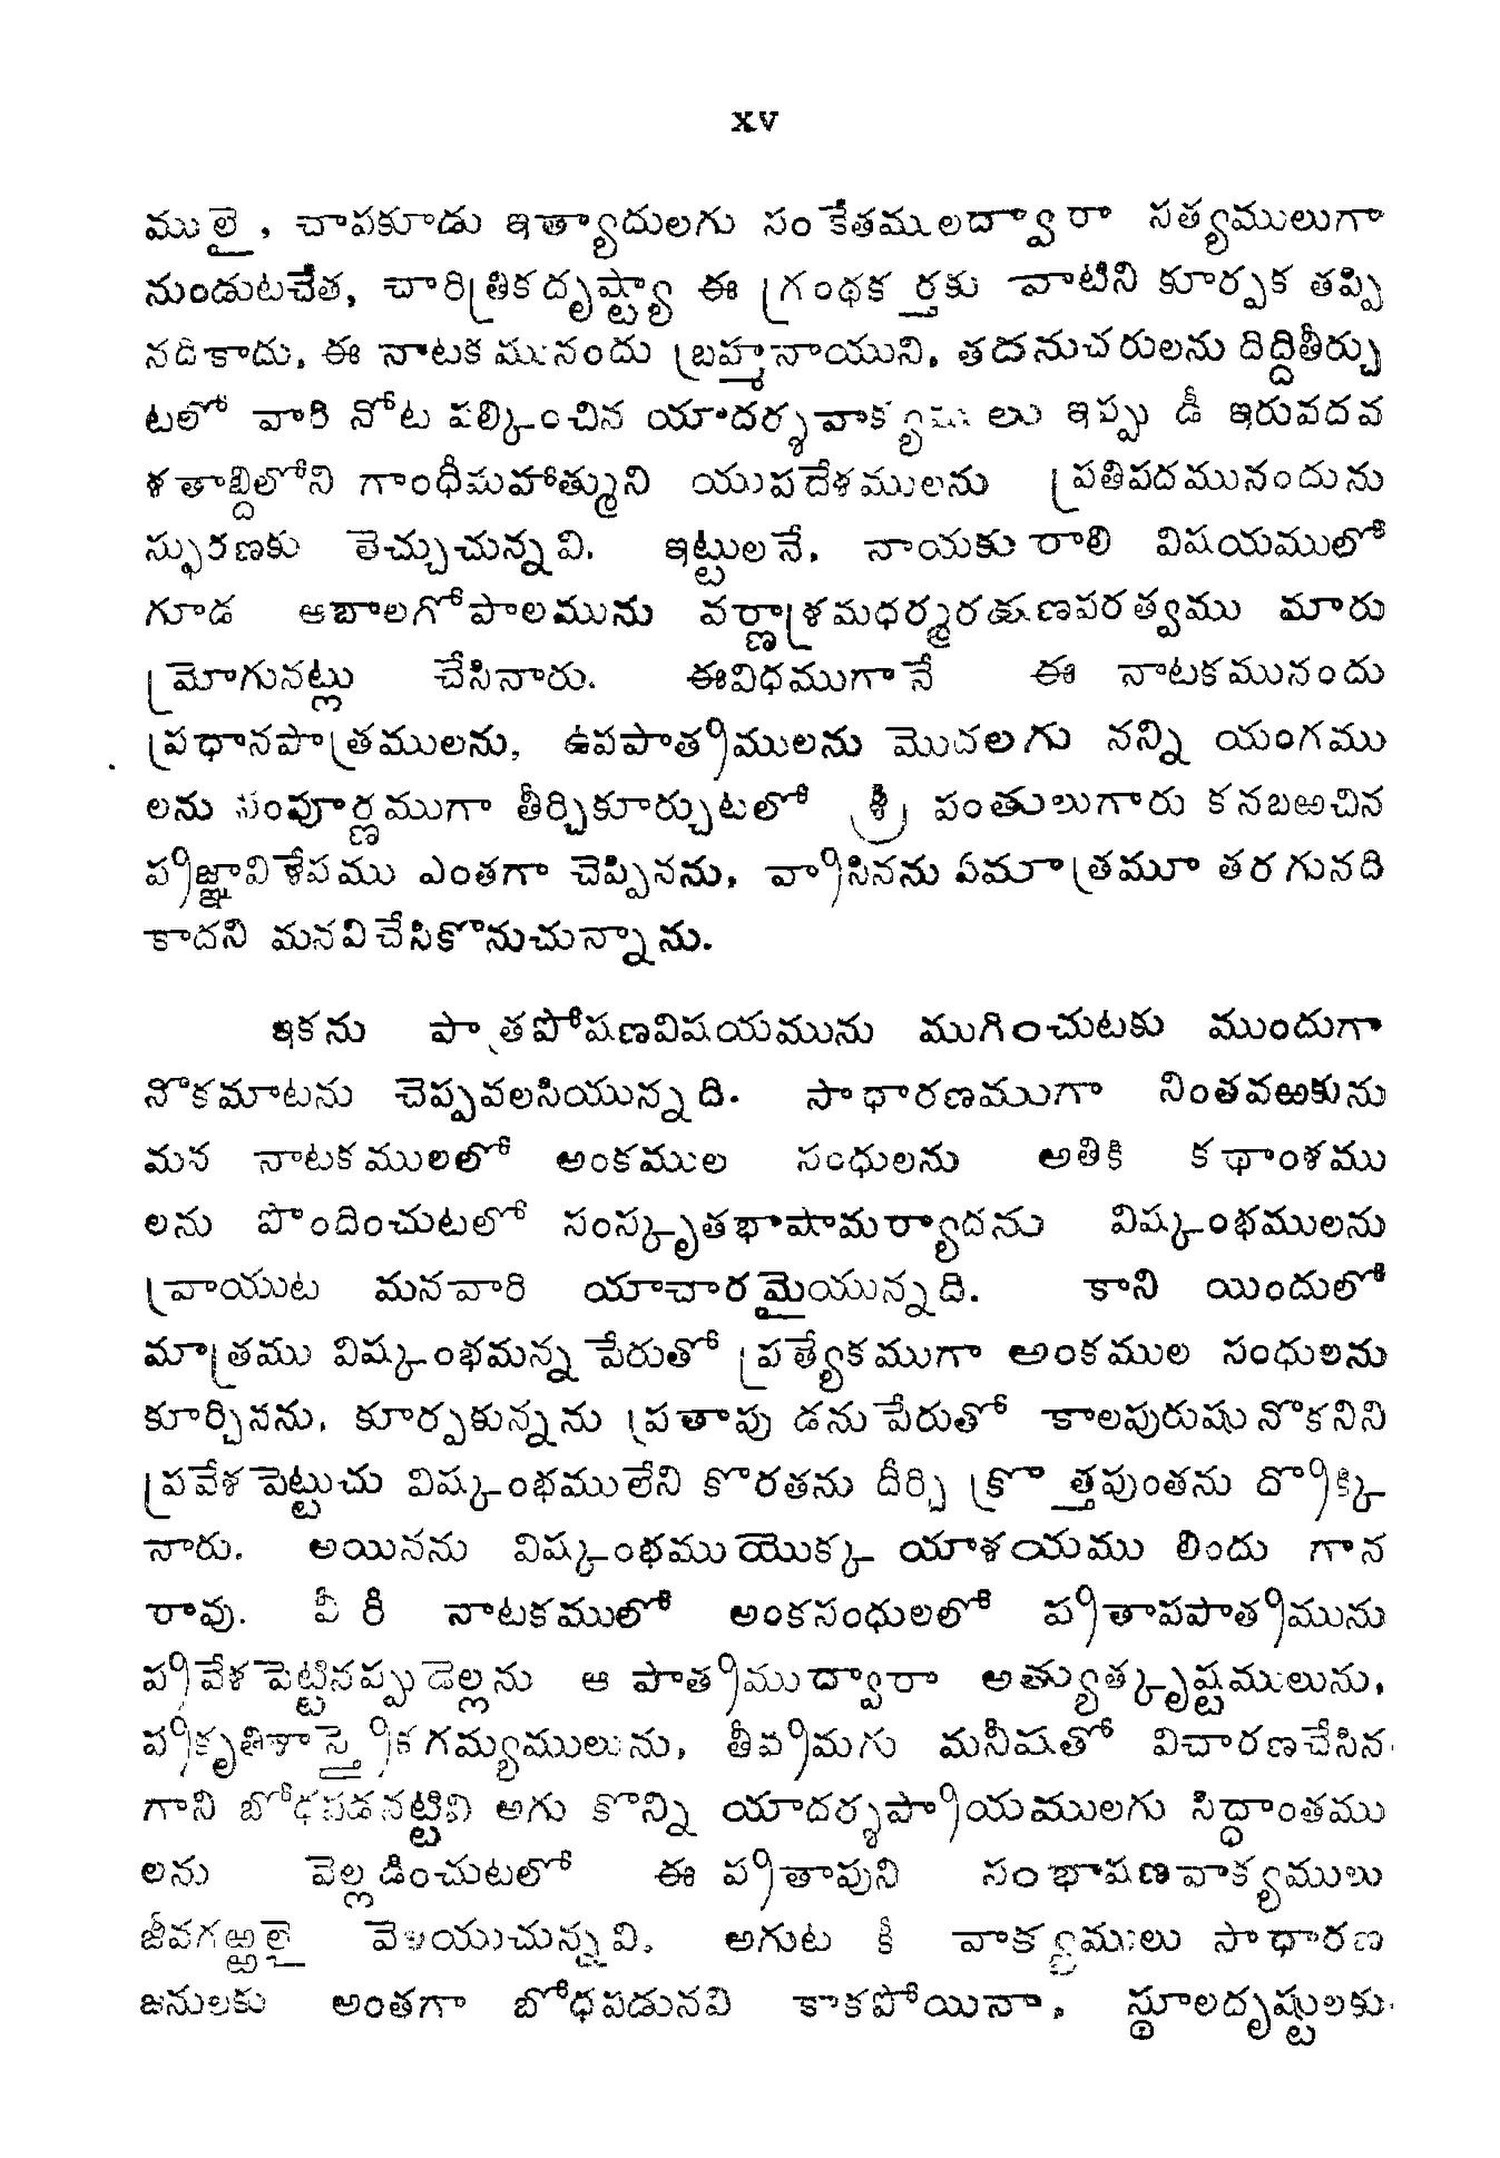ములై , చాపకూడు ఇత్యాదులగు సంకేతములద్వారా సత్యములుగా నుండుటచేత, చారిత్రికదృష్ట్యా ఈ గ్రంథకర్తకు వాటిని కూర్పక తప్పినదికాదు. ఈ నాటకమునందు బ్రహ్మనాయుని, తదనుచరులను దిద్దితీర్పుటలో వారి నోట పల్కించిన యాదర్శవాక్యములు ఇప్పు డీ ఇరువదవ శతాబ్దిలోని గాంధీమహాత్ముని యుపదేశములను ప్రతిపదమునందును స్ఫురణకు తెచ్చుచున్నవి. ఇట్టులనే, నాయకురాలి విషయములో గూడ ఆబాలగోపాలమును వర్ణాశ్రమధర్మరక్షణపరత్వము మారుమ్రోగునట్లు చేసినారు. ఈవిధముగానే ఈ నాటకమునందు ప్రధానపాత్రములను, ఉపపాత్రములను మొదలగు నన్ని యంగములను సంపూర్ణముగా తీర్చికూర్చుటలో శ్రీ పంతులుగారు కనబఱచిన ప్రజ్ఞావిశేషము ఎంతగా చెప్పినను, వ్రాసినను ఏమాత్రమూ తరగునది కాదని మనవిచేసికొనుచున్నాను.

ఇకను పాత్రపోషణవిషయమును ముగించుటకు ముందుగా నొకమాటను చెప్పవలసియున్నది. సాధారణముగా నింతవఱుకును మన నాటకములలో అంకముల సంధులను అతికి కథాంశములను పొందించుటలో సంస్కృతభాషామర్యాదను విష్కంభములను వ్రాయుట మనవారి యాచారమైయున్నది. కాని యిందులో మాత్రము విష్కంభమన్న పేరుతో ప్రత్యేకముగా అంకముల సంధులను కూర్చినను. కూర్పకున్నను ప్రతాపు డనుపేరుతో కాలపురుషునొకనిని ప్రవేశపెట్టుచు విష్కంభములేని కొరతను దీర్చి క్రొత్తపుంతను ద్రొక్కినారు. అయినను విష్కంభముయొక్క యాశయము లిందు గానరావు. వీ రీ నాటకములో అంకసంధులలో ప్రతాపపాత్రమును ప్రవేశపెట్టినప్పుడెల్లను ఆ పాతముద్వారా అత్యుత్కృష్టములును, ప్రకృతిశాస్త్రై కగమ్యములును, తీవ్రమగు మనీషతో విచారణచేసిన గాని బోధపడనట్టివి అగు కొన్ని యాదర్శప్రాయములగు సిద్ధాంతములను వెల్లడించుటలో ఈ ప్రతాపుని సంభాషణవాక్యములు జీవగఱ్ఱలై వెలయుచున్నవి. అగుట కీ వాక్యములు సాధారణ జనులకు అంతగా బోధపడునవి కాకపోయినా, స్థూలదృష్టులకు